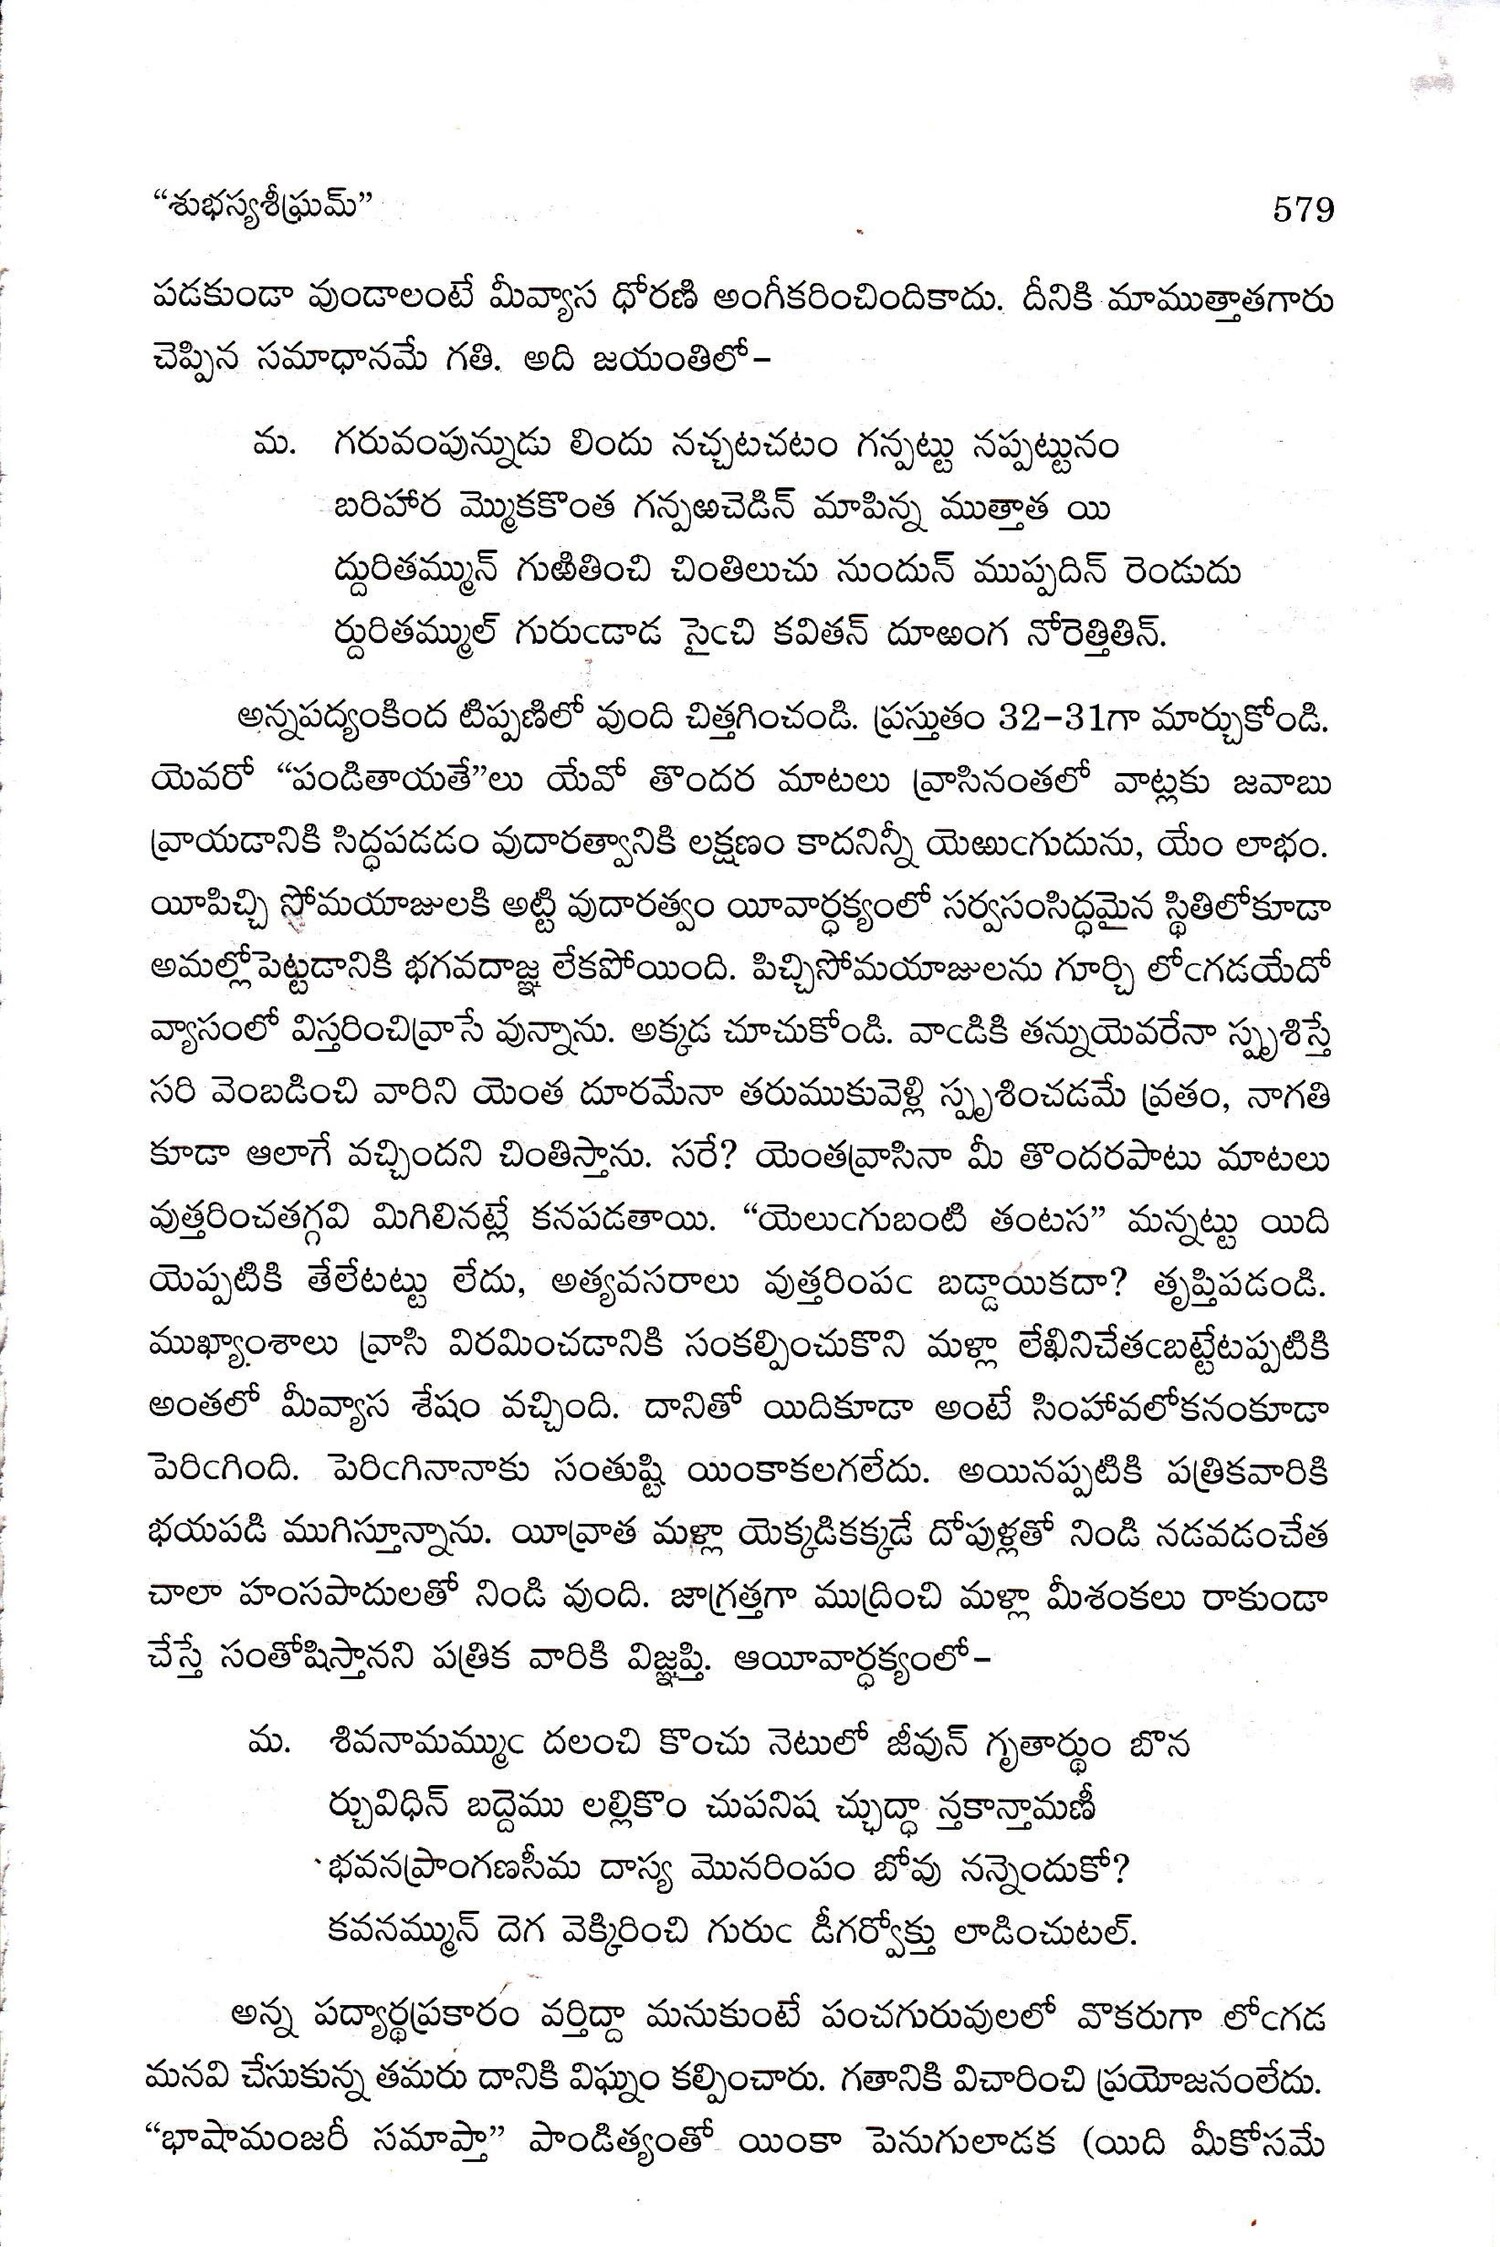పడకుండా వుండాలంటే మీవ్యాస ధోరణి అంగీకరించిందికాదు. దీనికి మాముత్తాతగారు చెప్పిన సమాధానమే గతి. అది జయంతిలో-

మ. గరువంపున్నుడు లిందు నచ్చటచటం గన్పట్టు నప్పట్టునం
 బరిహార మ్మొకకొంత గన్పఱచెడిన్ మాపిన్న ముత్తాత యి 
 దురితమ్మున్ గుఱితించి చింతిలుచు నుందున్ ముప్పదిన్ రెండుదు 
 ర్దురితమ్ముల్ గురుఁడాడ సైఁచి కవితన్ దూఱంగ నోరెత్తితిన్.
అన్నపద్యంకింద టిప్పణిలో వుంది చిత్తగించండి. ప్రస్తుతం 32-31గా మార్చుకోండి. యెవరో "పండితాయతే"లు యేవో తొందర మాటలు వ్రాసినంతలో వాట్లకు జవాబు వ్రాయడానికి సిద్ధపడడం వుదారత్వానికి లక్షణం కాదనిన్నీ యెఱుఁగుదును, యేం లాభం. యీపిచ్చి సోమయాజులకి అట్టి వుదారత్వం యీవార్ధక్యంలో సర్వసంసిద్ధమైన స్థితిలోకూడా అమల్లోపెట్టడానికి భగవదాజ్ఞ లేకపోయింది. పిచ్చిసోమయాజులను గూర్చి లోఁగడయేదో వ్యాసంలో విస్తరించివ్రాసే వున్నాను. అక్కడ చూచుకోండి. వాఁడికి తన్నుయెవరేనా స్పృశిస్తే సరి వెంబడించి వారిని యెంత దూరమేనా తరుముకువెళ్లి స్పృశించడమే వ్రతం, నాగతి కూడా ఆలాగే వచ్చిందని చింతిస్తాను. సరే? యెంత వ్రాసినా మీ తొందరపాటు మాటలు వత్తరించతగ్గవి మిగిలినట్లే కనపడతాయి. "యెలుఁగుబంటి తంటస" మన్నట్టు యిది యెప్పటికి తేలేటట్టు లేదు, అత్యవసరాలు వుత్తరింపఁ బడ్డాయికదా? తృప్తిపడండి. ముఖ్యాంశాలు వ్రాసి విరమించడానికి సంకల్పించుకొని మళ్లా లేఖినిచేతఁబట్టేటప్పటికి అంతలో మీవ్యాస శేషం వచ్చింది. దానితో యిదికూడా అంటే సింహావలోకనంకూడా పెరిఁగింది. పెరిఁగినానాకు సంతుష్టి యింకాకలగలేదు. అయినప్పటికి పత్రికవారికి భయపడి ముగిస్తూన్నాను. యీ వ్రాత మళ్లా యెక్కడికక్కడే దోపుళ్లతో నిండి నడవడంచేత చాలా హంసపాదులతో నిండి వుంది. జాగ్రత్తగా ముద్రించి మళ్లా మీశంకలు రాకుండా చేస్తే సంతోషిస్తానని పత్రిక వారికి విజ్ఞప్తి. ఆయీవార్ధక్యంలో-

మ. శివనామమ్ముఁ దలంచి కొంచు నెటులో జీవన్ గృతార్డుం బొన 
 ర్చువిధిన్ బద్దెము లల్లికొం చుపనిష చ్చుద్దా స్తకాన్తామణీ 
 భవనప్రాంగణసీమ దాస్య మొనరింపం బోవు నన్నెందుకో? 
 కవనమ్మున్ దెగ వెక్కిరించి గురుఁ డీగర్వోక్తు లాడించుటల్.
అన్న పద్యార్ధప్రకారం వర్తిద్దా మనుకుంటే పంచగురువులలో వొకరుగా లోఁగడ మనవి చేసుకున్న తమరు దానికి విఘ్నం కల్పించారు. గతానికి విచారించి ప్రయోజనంలేదు. "భాషామంజరీ సమాప్తా" పాండిత్యంతో యింకా పెనుగులాడక (యిది మీకోసమే